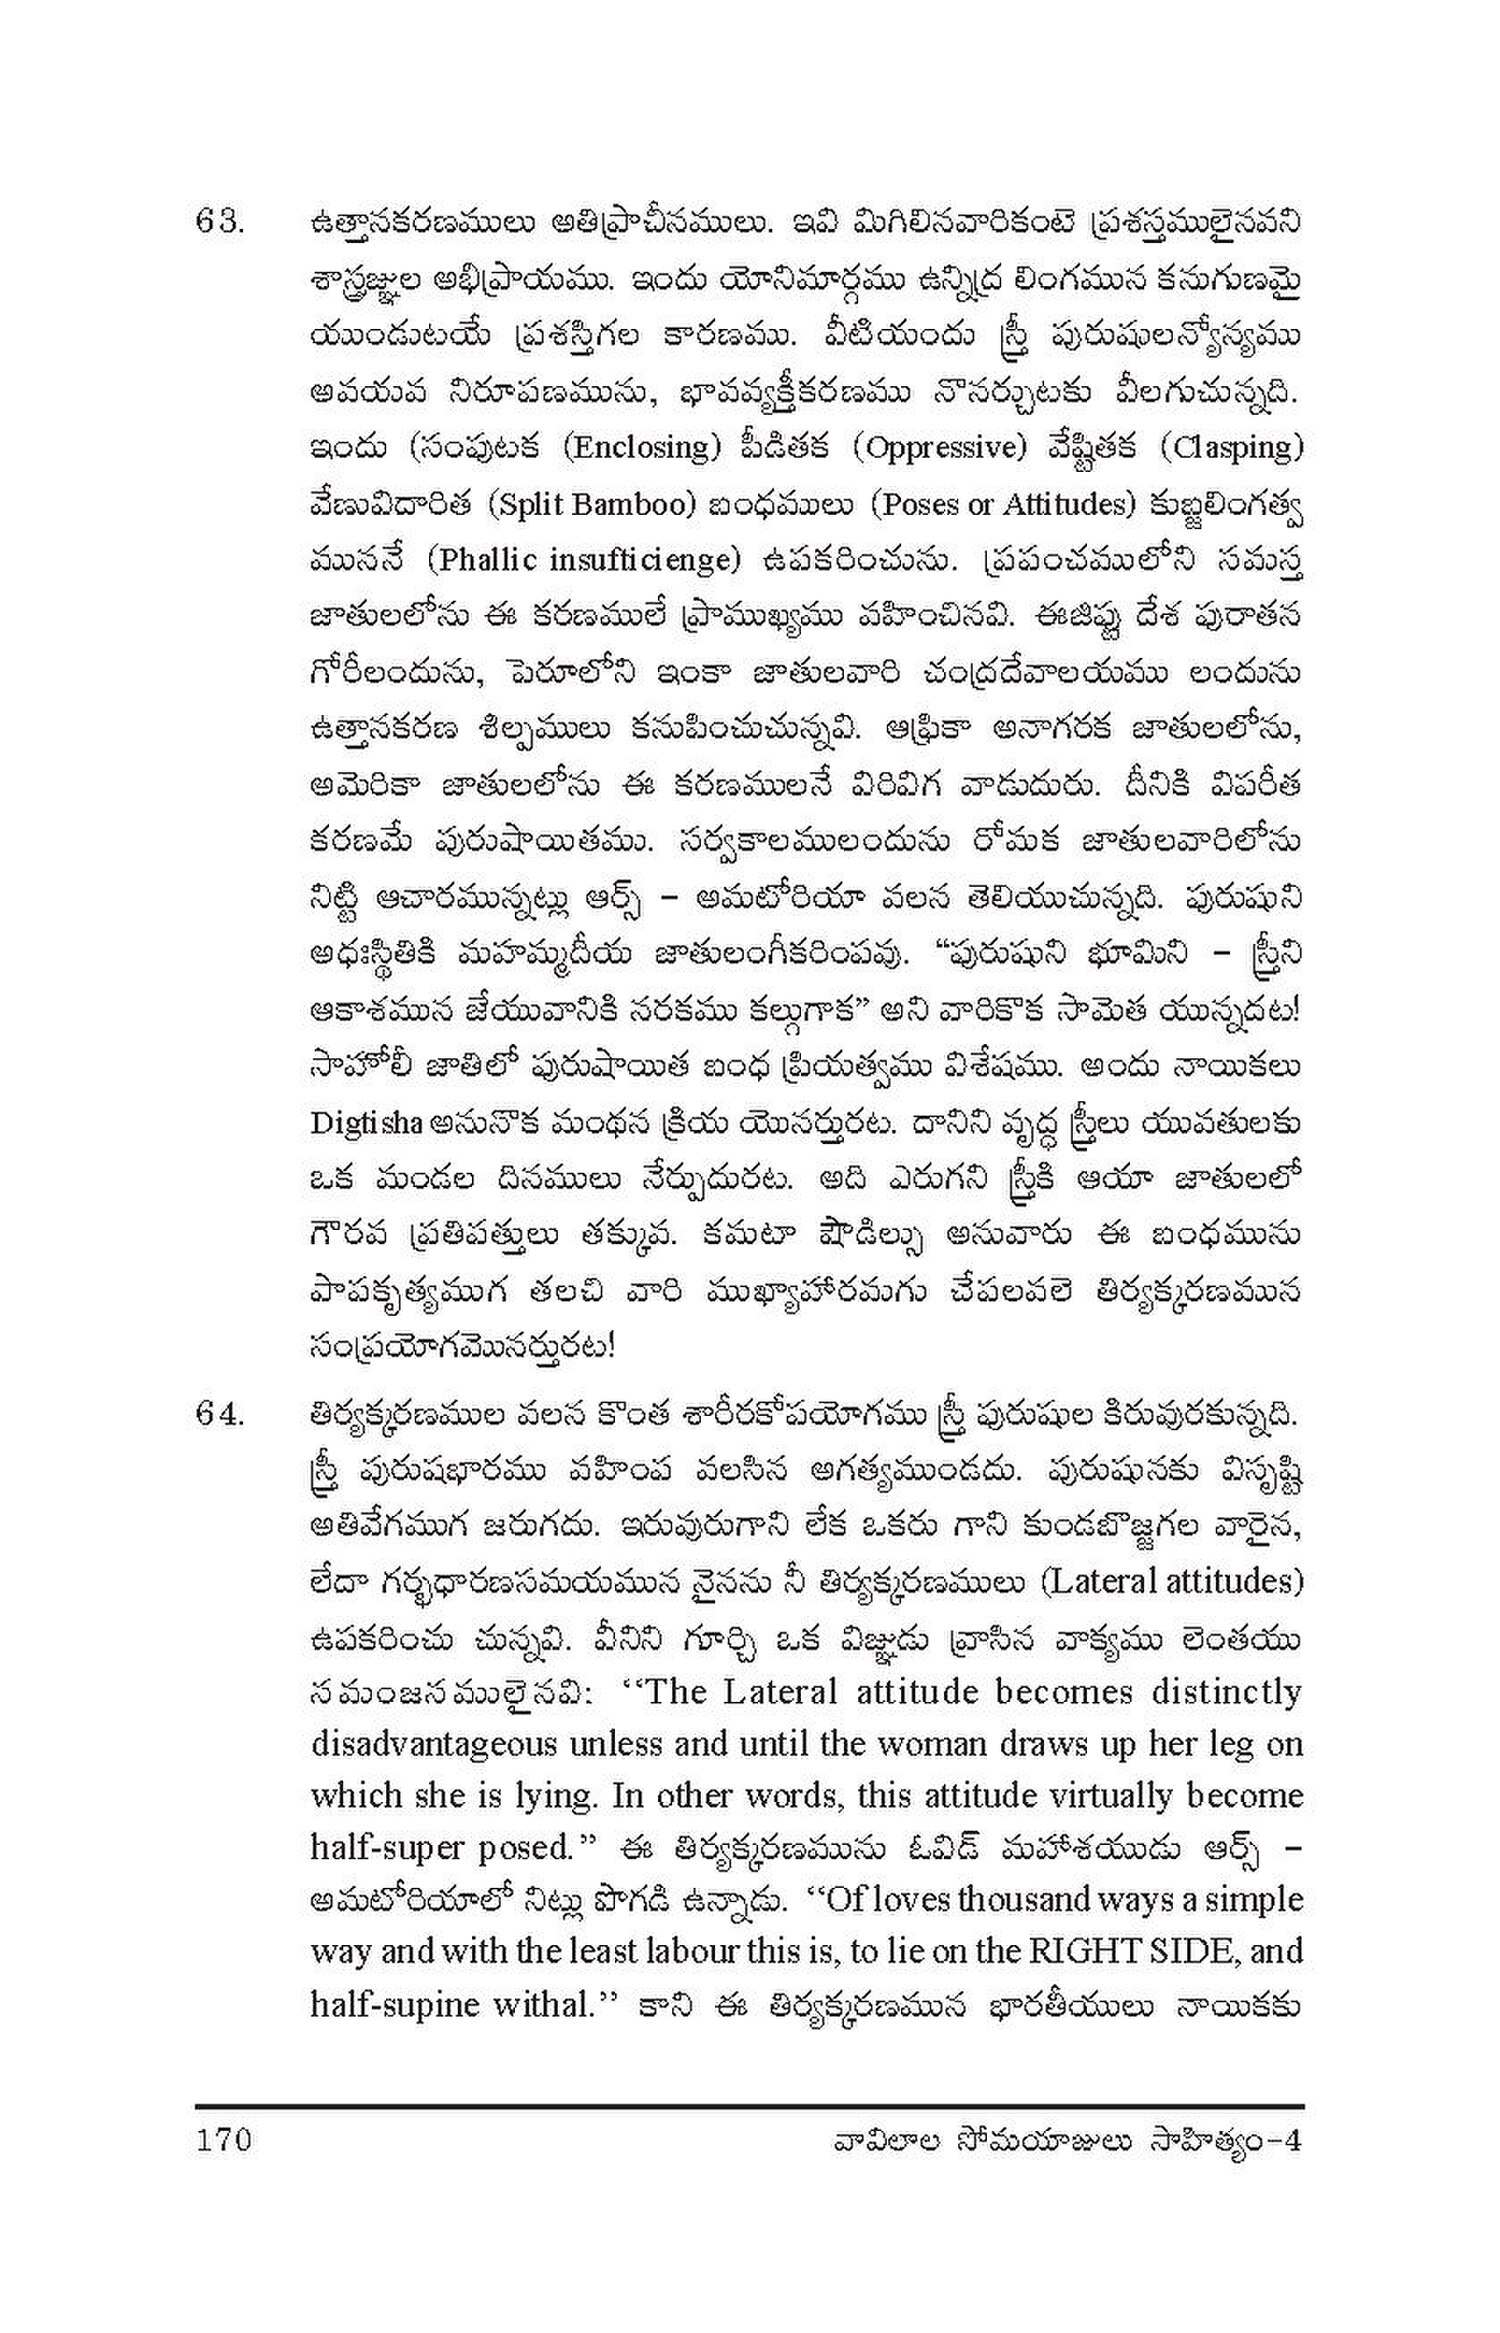63. ఉత్తానకరణములు అతిప్రాచీనములు. ఇవి మిగిలినవారికంటె ప్రశస్తములైనవని
శాస్త్రజ్ఞుల అభిప్రాయము. ఇందు యోనిమార్గము ఉన్నిద్ర లింగమున కనుగుణమై
యుండుటయే ప్రశస్తిగల కారణము. వీటియందు స్త్రీ పురుషులన్యోన్యము
అవయవ నిరూపణమును, భావవ్యక్తీకరణము నొనర్చుటకు వీలగుచున్నది.
ఇందు (సంపుటక (Enclosing) పీడితక (Oppressive) వేష్టితక (Clasping)
వేణువిదారిత (Split Bamboo) బంధములు (Poses or Attitudes) కుబ్జలింగత్వ
ముననే (Phallic insufticienge) ఉపకరించును. ప్రపంచములోని సమస్త
జాతులలోను ఈ కరణములే ప్రాముఖ్యము వహించినవి. ఈజిప్టు దేశ పురాతన
గోరీలందును, పెరూలోని ఇంకా జాతులవారి చంద్రదేవాలయము లందును
ఉత్తానకరణ శిల్పములు కనుపించుచున్నవి. ఆఫ్రికా అనాగరిక జాతులలోను,
అమెరికా జాతులలోను ఈ కరణములనే విరివిగ వాడుదురు. దీనికి విపరీత
కరణమే పురుషాయితము. సర్వకాలములందును రోమక జాతులవారిలోను
నిట్టి ఆచారమున్నట్లు ఆర్స్ అమటోరియా వలన తెలియుచున్నది. పురుషుని
అధఃస్థితికి మహమ్మదీయ జాతులంగీకరింపవు. “పురుషుని భూమిని - స్త్రీని
ఆకాశమున జేయువానికి నరకము కల్గుగాక” అని వారికొక సామెత యున్నదట!
సాహోలీ జాతిలో పురుషాయిత బంధ ప్రియత్వము విశేషము. అందు నాయికలు
Digtisha అనునొక మంథన క్రియ యొనర్తురట. దానిని వృద్ధ స్త్రీలు యువతులకు
ఒక మండల దినములు నేర్పుదురట. అది ఎరుగని స్త్రీకి ఆయా జాతులలో
గౌరవ ప్రతిపత్తులు తక్కువ. కమటా షౌడిల్సు అనువారు ఈ బంధమును
పాపకృత్యముగ తలచి వారి ముఖ్యాహారమగు చేపలవలె తిర్యక్కరణమున
సంప్రయోగమొనర్తురట!

64. తిర్యక్కరణముల వలన కొంత శారీరకోపయోగము స్త్రీ పురుషుల కిరువురకున్నది.
పురుషభారము వహింప వలసిన అగత్యముండదు. పురుషునకు విసృష్టి
అతివేగముగ జరుగదు. ఇరువురుగాని లేక ఒకరు గాని కుండబొజ్జగల వారైన,
లేదా గర్భధారణసమయమున నైనను నీ తిర్యక్కరణములు (Lateral attitudes)
ఉపకరించుచున్నవి. వీనిని గూర్చి ఒక విజ్ఞుడు వ్రాసిన వాక్యము లెంతయు
సమంజసములైనవి: "The Lateral attitude becomes distinctly
disadvantageous unless and until the woman draws up her leg on
which she is lying. In other words, this attitude virtually become
half-super posed.” ఈ తిర్యక్కరణమును ఓవిడ్ మహాశయుడు ఆర్స్
అమటోరియాలో నిట్లు పొగడి ఉన్నాడు. "Of loves thousand ways a simple
way and with the least labour this is, to lie on the RIGHT SIDE, and
half-supine withal.” కాని ఈ తిర్యక్కరణమున భారతీయులు నాయికకు